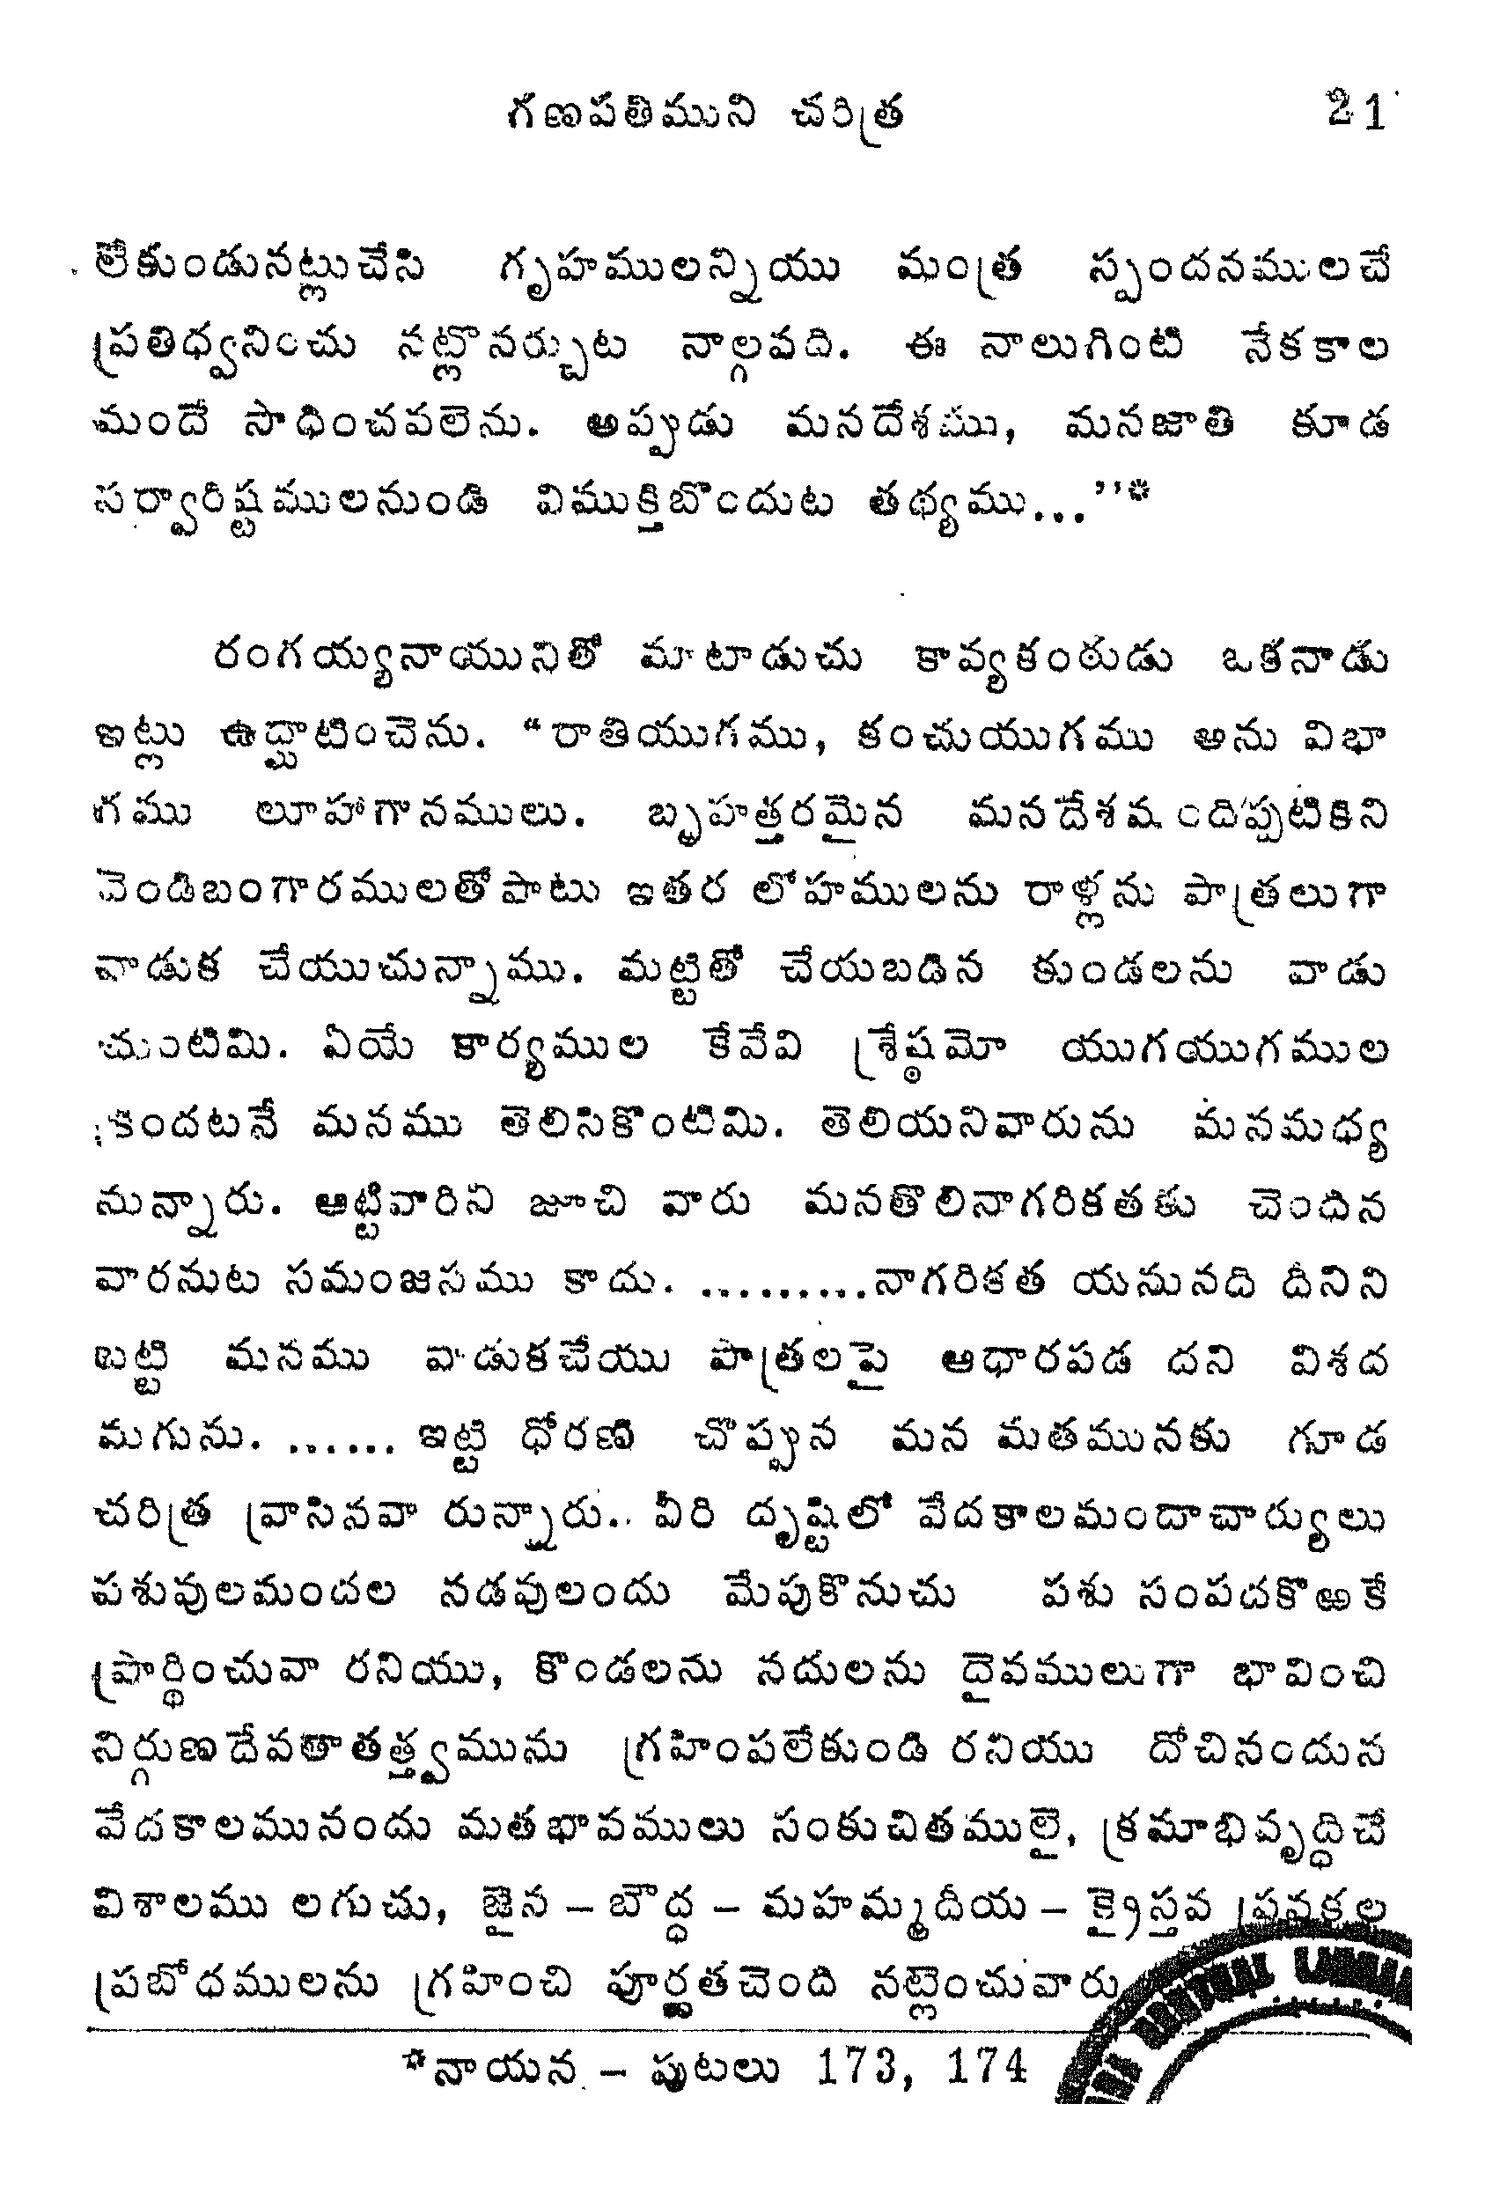లేకుండునట్లుచేసి గృహములన్నియు మంత్ర స్పందనములచే ప్రతిధ్వనించు నట్లొనర్చుట నాల్గవది. ఈ నాలుగింటి నేకకాలమందే సాధించవలెను. అప్పుడు మనదేశము, మనజాతి కూడ సర్వారిష్టములనుండి విముక్తిబొందుట తథ్యము..."

రంగయ్యనాయునితో మాటాడుచు కావ్యకంఠుడు ఒకనాడు ఇట్లు ఉద్ఘాటించెను. "రాతియుగము, కంచుయుగము అను విభాగము లూహాగానములు. బృహత్తరమైన మనదేశమందిప్పటికిని వెండిబంగారములతో పాటు ఇతర లోహములను రాళ్లను పాత్రలుగా వాడుక చేయుచున్నాము. మట్టితో చేయబడిన కుండలను వాడు చుంటిమి. ఏయే కార్యముల కేవేవి శ్రేష్ఠమో యుగయుగముల క్రిందటనే మనము తెలిసికొంటిమి. తెలియనివారును మనమధ్య నున్నారు. అట్టివారిని జూచి వారు మనతొలినాగరికతకు చెందిన వారనుట సమంజసము కాదు. .........నాగరికత యనునది దీనిని బట్టి మనము వాడుకచేయు పాత్రలపై ఆధారపడ దని విశదమగును. ...... ఇట్టి ధోరణి చొప్పున మన మతమునకు గూడ చరిత్ర వ్రాసినవా రున్నారు. వీరి దృష్టిలో వేదకాలమందాచార్యులు పశువులమందల నడవులందు మేపుకొనుచు పశు సంపదకొఱకే ప్రార్థించువా రనియు, కొండలను నదులను దైవములుగా భావించి నిర్గుణదేవతాతత్త్వమును గ్రహింపలేకుండి రనియు దోచినందున వేదకాలమునందు మతభావములు సంకుచితములై, క్రమాభివృద్దిచే విశాలము లగుచు, జైన - బౌద్ద - మహమ్మదీయ - క్రైస్తవ ప్రవక్తల ప్రబోదములను గ్రహించి పూర్ణతచెంది నట్లెంచువారు.